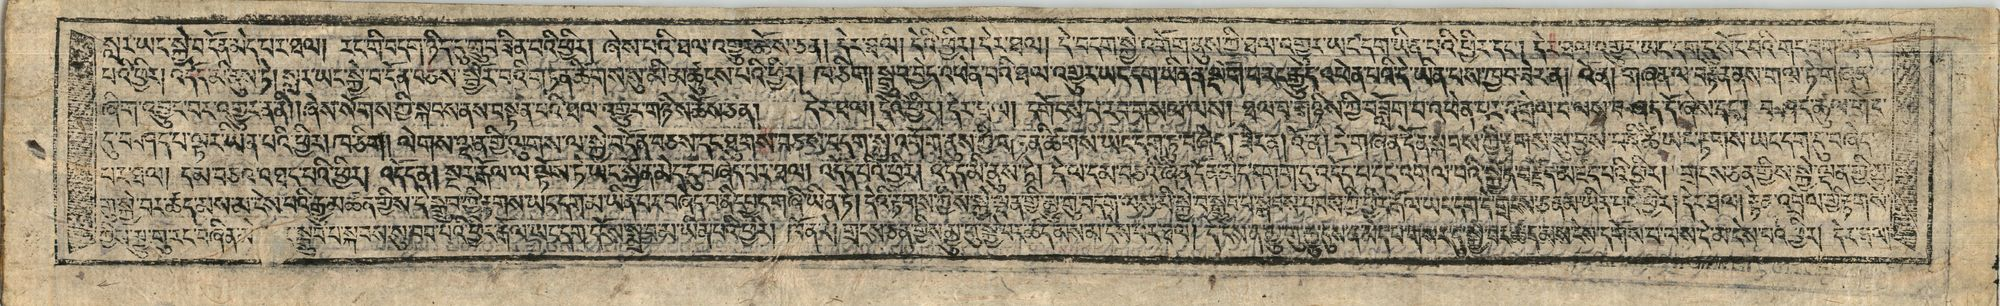སླར་ཡང་སྐྱེ་བ་དོན་མེད་པར་ཐལ། རང་གི་བདག་ཉིད་དུ་གྲུབ་ཟིན་པའི་ཕྱིར། ཞེས་པའི་ཐལ་འགྱུར་ཆོས་ཅན། དེར་ཐལ། དེའི་ཕྱིར། དེར་ཐལ། དེ་བདག་སྐྱེ་འགོག་ནུས་ཀྱི་ཐལ་འགྱུར་ཡང་དག་ཡིན་པའི་ཕྱིར་དང་། དེ་ཐལ་འགྱུར་ཡང་དག་དུ་སོང་བའི་གང་ཟག་ཡོད་
པའི་ཕྱིར། འདོད་མི་ནུས་ཏེ། སླར་ཡང་སྐྱེ་བ་དོན་བཅས་སྦྱོར་བའི་གཏན་ཚིགས་སུ་མི་མཚུངས་པའི་ཕྱིར། ཁ་ཅིག །སྒྲུབ་བྱེད་འཕེན་པའི་ཐལ་འགྱུར་ཡང་དག་ཡིན་ན་ལྡོག་པ་རང་རྒྱུད་འཕེན་པའི་དེ་ཡིན་པས་ཁྱབ་ཟེར་ན། འོ་ན། གཞན་ལ་བརྟེན་ནས་གལ་ཏེ་གཞན་
ཞིག་འབྱུང་བར་འགྱུར་ན་ནི། །ཞེས་སོགས་ཀྱི་སྐབས་ནས་བསྟན་པའི་ཐལ་འགྱུར་གཉིས་ཆོས་ཅན། དེར་ཐལ། དེའི་ཕྱིར། དེར་ཐལ། དགོངས་པ་རབ་གསལ་ལས། ཐལ་བ་གཉིས་ཀྱི་བཟློག་པ་འཕེན་པར་འགྲེལ་བ་ལས་བཤད་དོ་ཞེས་དང་། བཤད་ཚུལ་གོང་
དུ་བཤད་པ་ལྟར་ཡིན་པའི་ཕྱིར། ཁ་ཅིག །ལེགས་ལྡན་གྱི་ལུགས་ལ་སྐྱེ་བ་དོན་བཅས་དང་ཐུག་བཅས་བདག་སྐྱེ་འགོག་ནུས་ཀྱི་གཏན་ཚིགས་ཡང་དག་ཏུ་བཞེད། ཟེར་ན། འོ་ན། དེ་གཞན་དོན་སྐབས་ཀྱི་རྟགས་སུ་བྱས་པའི་ཚེ་ཡང་རྟགས་ཡང་དག་དུ་བཞེད་
པར་ཐལ། དམ་བཅའ་འཐད་པའི་ཕྱིར། འདོད་ན། སྔར་རྒོལ་ལ་ལྟོས་ཏེ་ཡང་སྐྱོན་མེད་དུ་བཞེད་པར་ཐལ། འདོད་པའི་ཕྱིར། འདོད་མི་ནུས་ཏེ། དེ་ལ་དམ་བཅའ་ཞེན་དོན་མེད་དགག་དུ་འདོད་པ་དང་འགལ་བའི་སྐྱོན་བརྗོད་མཛད་པའི་ཕྱིར། གྲངས་ཅན་གྱིས་སྐྱེ་ལྡན་གྱི་མྱུ་
གུ་སྐྱེ་བར་ཚད་མས་མ་ངེས་པའི་རྒྱུ་མཚན་གྱིས་དེ་སྒྲུབ་ཀྱི་རྟགས་ཡང་དག་མ་ཡིན་པར་བཞེད་པ་ནི་དཔྱད་གཞི་ཡིན་ཏེ། དེའི་རྟགས་ཀྱིས་སྐྱེ་ལྡན་གྱི་མྱུ་གུ་བདག་ལས་མི་སྐྱེ་བ་སྒྲུབ་པ་སྐབས་བབས་ཀྱི་ཕྱིར་རྒོལ་ཡང་དག་དེ་གྲངས་ཅན་མ་ཡིན་པའི་ཕྱིར། དེར་ཐལ། རྟེན་འབྲེལ་?་གྱི་རྟགས་
ཀྱིས་མྱུ་གུ་རང་བཞིན་མེད་པར་སྒྲུབ་པ་སྐབས་སུ་བབ་པའི་ཕྱིར་རྒོལ་ཡང་དག་དངོས་སྨྲ་བ་མ་ཡིན་པའི་ཕྱིར། ཁོ་ན་རེ། གྲངས་ཅན་གྱིས་མྱུ་གུ་སྐྱེ་བར་ཚད་མས་མ་ངེས་བར་ཐལ། དེ་ངེས་ན་མྱུ་གུ་རྒྱུ་དུས་ན་མེད་པ་གསར་དུ་སྐྱེ་བར་ཚད་མས་ངེས་དགོས་པ་ལས་དེ་མ་ངེས་པའི་ཕྱིར། དེར་ཐལ་